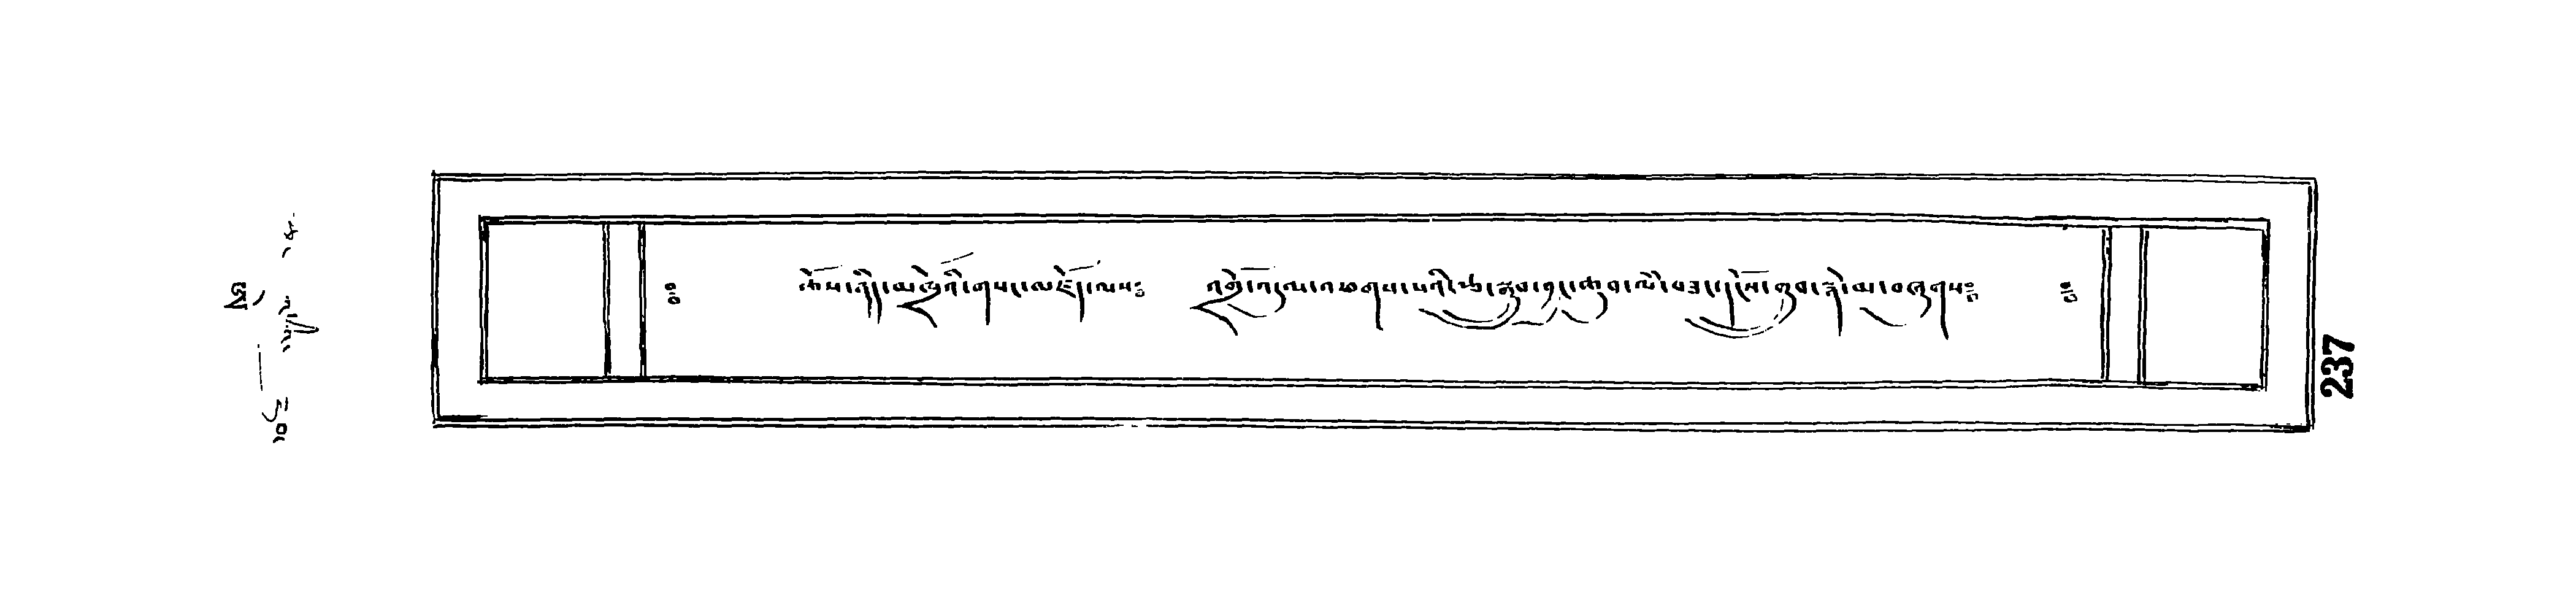ཆོས་ཉིད་མཁའ་འགྲོའི་གསང་མཛོད་ལས༔ འགྲོ་འདུལ་འཕགས་པའི་རྩ་སྒྲུབ་བྱང་ཆུབ་ལམ་བཟང་དངོས་གྲུབ་སྙེ་མ་བཞུགས༔